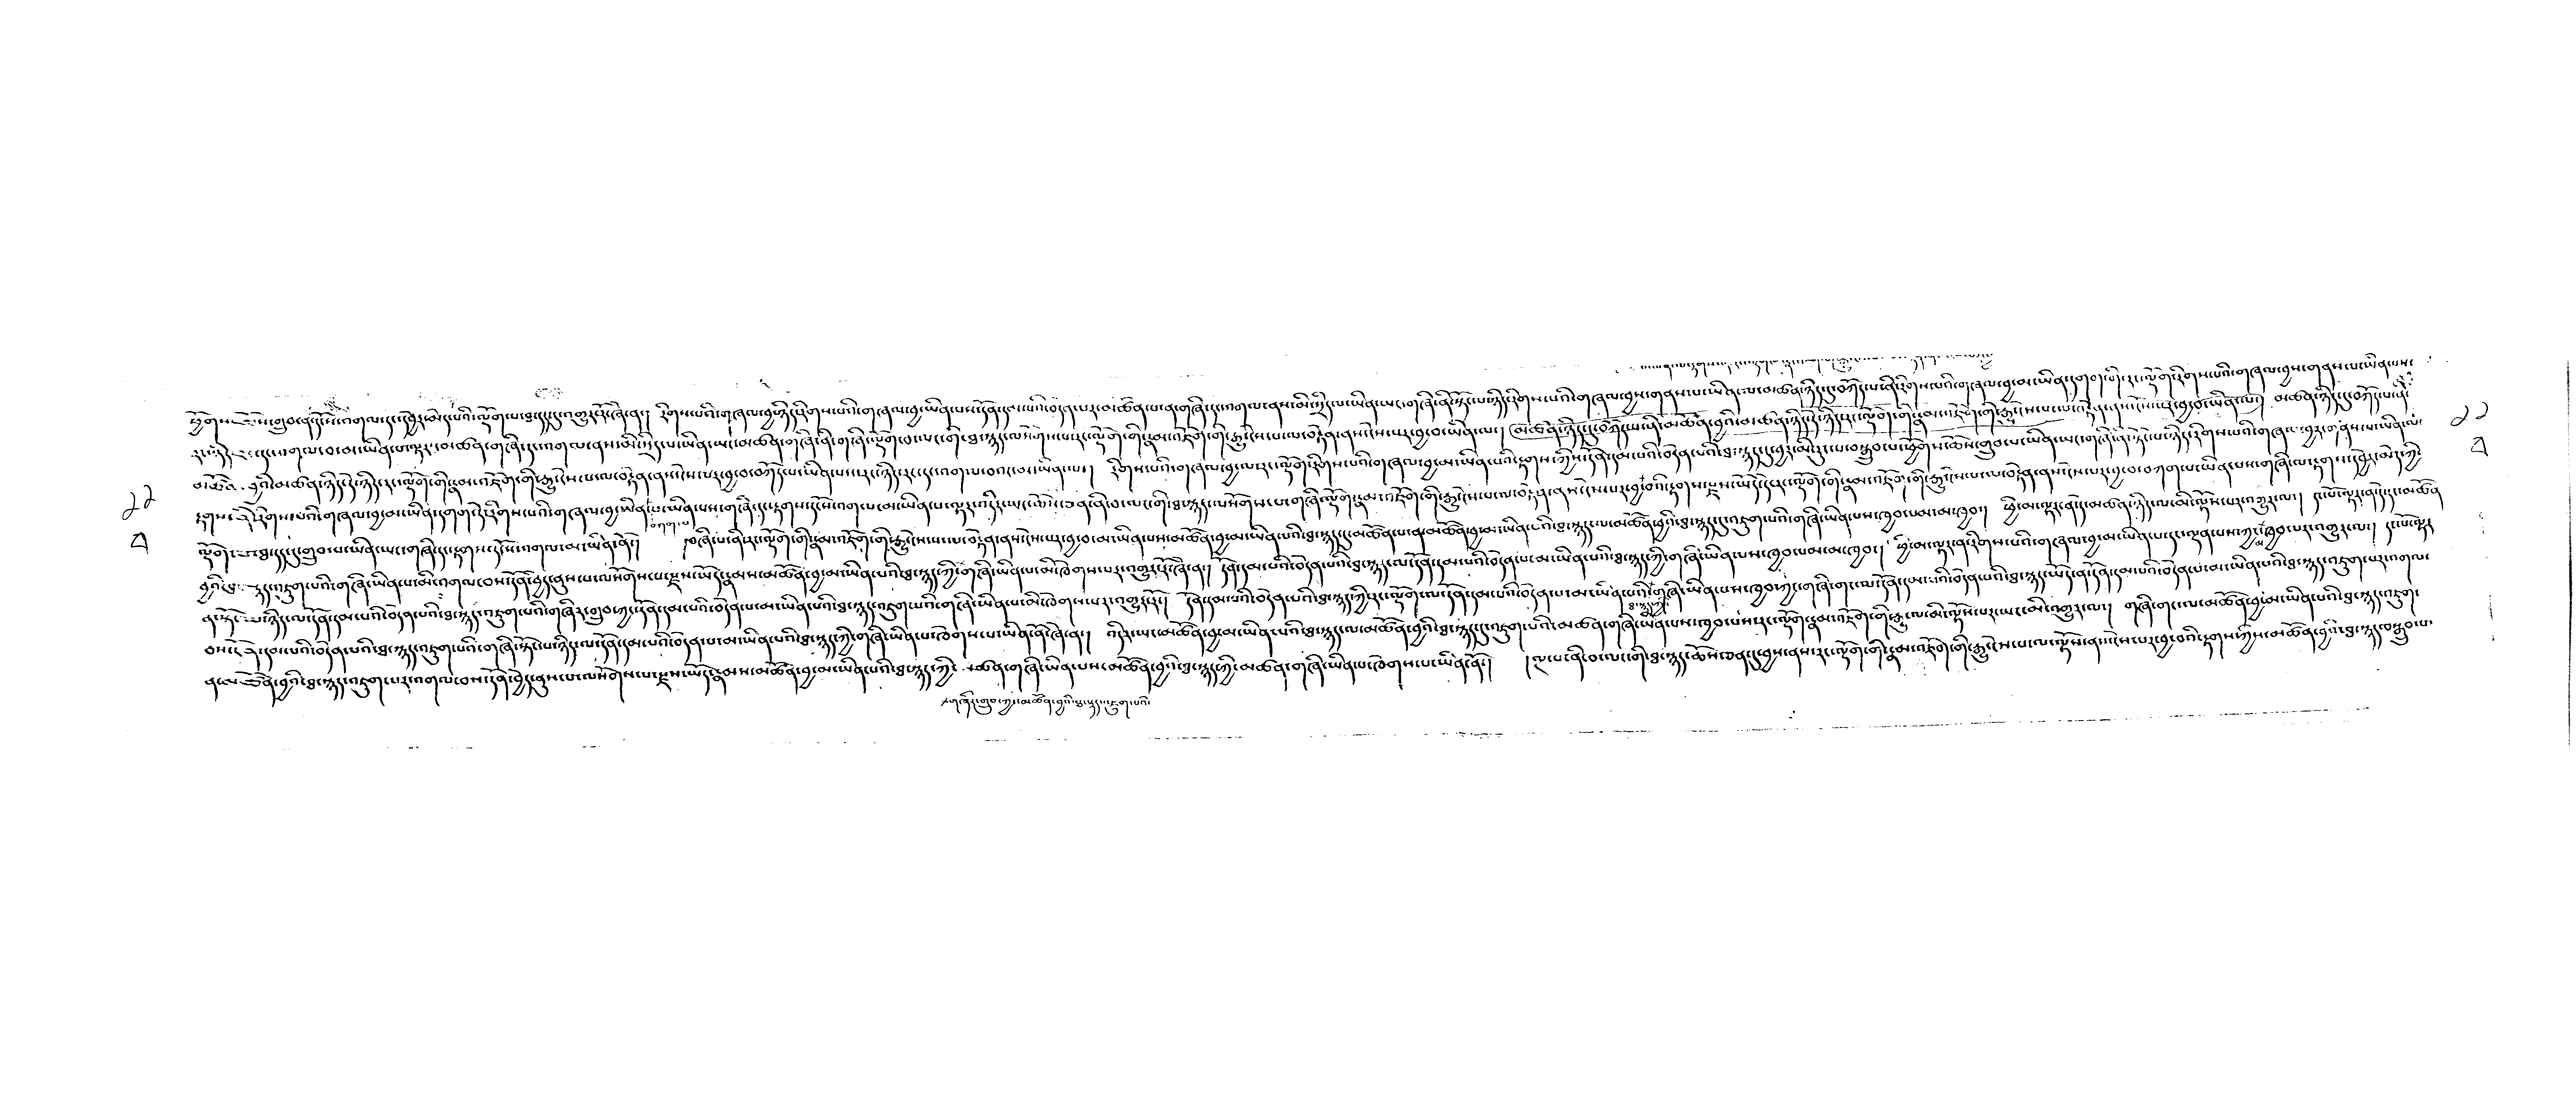ཕྱོགས་ཆོས་གྲུབ་ན་དངོས་འགལ་དང་དབྱེར་མེད་པའི་ལྡོག་པ་ཐ་དད་དུ་འགྱུར་རོ་ཞེ་ན། རིགས་པའི་གཞལ་བྱ་ཉིད་རིགས་པའི་གཞལ་བྱ་ཡིན་པས་དོན་དམ་པའི་བདེན་པར་མཚོན་པ་ན་གཞི་དང་འགལ་ནས་མི་སྲིད་པ་ཡིན་ཡང་གཞི་ནི་སྟོང་པ་ཉིད་རིགས་པའི་གཞལ་བྱས་གནས་པ་ཡིན་ལ་མཚན་ཉིད་དུ་བཀོད་པ་ནི་རིགས་པའི་གཞལ་བྱ་མ་ཡིན་དགག་གི་རང་ལྡོག་རིགས་པའི་གཞལ་བྱས་གནས་པ་ཡིན་པས་
རང་ཉིད་རང་དང་འགལ་བ་མ་ཡིན་པ་ལྟར་མཚན་གཞི་དང་འགལ་ནས་མི་སྲིད་པ་ཡིན་ཡང་མཚན་གཞི་ནི་གཞི་ལྡོག་བ་ལང་གི་ཐ་སྙད་ལ་སོགས་པར་ལྡོག་གི་རྣམ་འཇོག་གི་རྒྱུ་ངེས་པ་ལ་བརྟེན་ནས་ངེས་པར་བྱ་བ་ཡིན་ལ། མཚན་ཉིད་དུ་བཀོད་པ་ནི་མཚོན་བྱའི་མཚན་ཉིད་དེ་ཉིད་རང་ལྡོག་གི་རྣམ་འཇོག་གི་རྒྱུ་ངེས་པ་ལ་བརྟེན་ནས་ངེས་པར་བྱ་བ་ཡིན་ལ། མཚན་ཉིད་དུ་བཀོད་པ་ནི་
མཚོལ་བྱའི་མཚན་ཉིད་དེ་ཉིད་རང་ལྡོག་གི་རྣམ་འཇོག་གི་རྒྱུ་ངེས་པ་ལ་བརྟེན་ནས་ངེས་པར་བྱ་བ་བཀོད་པ་ཡིན་པས་རང་ཉིད་རང་དང་འགལ་བའང་མ་ཡིན་པ། རིགས་པའི་གཞལ་བྱ་ལ་རང་ལྡོག་རིགས་པའི་གཞལ་བྱ་མ་ཡིན་པའི་རྟགས་ཀྱིས་དོན་དམ་ནའི་བདེན་པའི་ཐ་སྙད་དུ་བྱར་མི་རུང་པ་བསྒྲུབ་པ་ཕྱོགས་ཆོས་གྲུབ་པ་ཡིན་ཡང་གཞི་ནི་སྟོང་པ་ཉིད་པ་ཉིད་རིགས་པའི་གཞལ་བྱར་གནས་པ་ཡིན་ལ་
རྟགས་ནི་རིགས་པའི་གཞལ་བྱ་མ་ཡིན་དགག་དེ་རིགས་པའི་གཞལ་བྱ་ཡིན་བཀག་པ་པ་ཡིན་པས་གཞི་དང་རྟགས་དངོས་འགལ་མ་ཡིན་པ་ལྟར་འདིར་ཡང་ཆོས་ཅན་ནི་བ་ལང་གི་ཐ་སྙད་ལ་སོག་པ་གཞི་ལྡོག་རྣམ་འཇོག་གི་རྒྱུ་ངེས་པ་ལ་བརྟེན་ནས་ངེས་པར་བྱ་བ་ཡིན་ལ། རཏགས་ནི་རང་ལྡོག་གི་རྣམ་འཇོག་གི་རྒྱུ་ངེས་པ་ལ་རྟེན་ནས་ངེས་པར་བྱ་བའི་རཏགས་ཛས་ཡོད་དེ་རང་ལྡོག་གི་རྣམ་འཇོག་གི་རྒྱུ་ངེས་པ་ལ་བརྟེན་ནས་ངེས་པར་བྱ་བ་བཀག་པ་ཡིན་པས་གཞི་ལ་རྟགས་དབྱེར་མེད་ཀྱི་
ལྡོག་པ་ཐ་དད་དུ་གྲུབ་པ་ཡིན་ཡང་གཞི་དང་རྟགས་དངོས་འགལ་མ་ཡིན་ནོ། །བཞི་པ་ནི་རང་ལྡོག་གི་རྣམ་འཇོག་གི་རྒྱུ་ངེས་པ་ལ་བརྟེན་ནས་ངེས་པར་བྱ་བ་མ་ཡིན་པས་མཚོན་བྱ་མ་ཡིན་པའི་ཐ་སྙད་དུ་མཚོན་པ་ན་མཚོན་བྱ་མ་ཡིན་པའི་ཐ་སྙད་ལ་མཚོན་བྱའི་ཐ་སྙད་དུ་འཇུག་པའི་གཞི་ཡིན་པས་ཁྱབ་པམ་མ་ཁྱབ། ཕྱི་མ་ལྟར་ན་དེ་མཚན་ཉིད་ལ་མི་ལྟོས་པར་འགྱུར་ལ། དང་པོ་ལྟར་ན་དེ་དང་མཚོན་
བྱའི་ཐ་སྙད་འཇུག་པའི་གཞི་ཡིན་པ་མི་འགལ་བས་དོན་བྱེད་ནུས་པ་ལ་སོགས་པ་རྫས་ཡོད་རྣམས་མཚོན་བྱ་མ་ཡིན་པའི་ཐ་སྙད་ཀྱི་གཞི་ཡིན་པ་མི་ཁེགས་པར་འགྱུར་རོ་ཞེ་ན། དོན་དམ་པའི་བདེན་པའི་ཐ་སྙད་ལ་དོན་དམ་པའི་བདེན་པ་མ་ཡིན་པའི་ཐ་སྙད་ཀྱི་གཞི་ཡིན་པས་ཁྱབ་པམ་མ་ཁྱབ། ཕྱི་མ་ལྟར་ན་རིགས་པའི་གཞལ་བྱ་མ་ཡིན་པ་དང་ལྡན་པས་ཀྱང་མ་ཁྱབ་པར་འགྱུར་ལ། དང་པོ་ལྟར་
ན་སྟོང་པ་ཉིད་ལ་དོན་དམ་པའི་བདེན་པའི་ཐ་སྙད་འཇུག་པའི་གཞིར་གྲུབ་ཀྱང་དོན་དམ་པའི་བདེན་པ་མ་ཡིན་པའི་ཐ་སྙད་འཇུག་པའི་གཞི་ཡིན་པ་མི་ཁེགས་པར་འགྱུར་རོ། དོན་དམ་པའི་བདེན་པའི་ཐ་སྙད་ཀྱི་རང་ལྡོག་ལ་དོན་དམ་པའི་བདེན་པ་མ་ཡིན་ཐ་སྙད་ཀྱི་གཞི་ཡིན་པས་ཁྱབ་ཀྱང་གཞི་གང་མ་དོན་དམ་པའི་བདེན་པའི་ཐ་སྙད་ཡོད་ན་དོན་དམ་པའི་བདེན་པ་མ་ཡིན་པའི་ཐ་སྙད་འཇུག་པར་འགལ་
བས་དོན་དམ་པའི་བདེན་པའི་ཐ་སྙད་འཇུག་པའི་གཞི་སྟོང་པ་ཉིད་ལ་དོན་དམ་པའི་བདེན་པ་མ་ཡིན་པའི་ཐ་སྙད་ཀྱི་གཞི་ཡིན་པ་ཁེགས་པ་ཡིན་ནོ་ཞེ་ན། འདིར་ཡང་མཚོན་བྱ་མ་ཡིན་པའི་ཐ་སྙད་ལ་མཚོན་བྱའི་ཐ་སྙད་དུ་འཇུག་པའི་མཚན་གཞི་ཡིན་པས་ཁྱབ་པས་རང་ལྡོག་རྣམ་འཇོག་གི་རྒྱུ་ལ་མི་ལྟོས་པར་ཡང་མི་འགྱུར་ལ། གཞི་གང་ལ་མཚོན་བྱ་མ་ཡིན་པའི་ཐ་སྙད་འཇུག་
ན་མཚོན་བྱའི་ཐ་སྙད་འཇུག་པར་འགལ་བས་དོན་བྱེད་ནུས་པ་ལ་སོགས་པ་རྫས་ཡོད་རྣམས་མཚོན་བྱ་མ་ཡིན་པའི་ཐ་སྙད་ཀྱི་མཚན་གཞི་ཡིན་པ་མཚོན་བྱའི་ཐ་སྙད་ཀྱི་མཚན་གཞི་ཡིན་པ་ཁེགས་པ་ཡིན་ནོ། །ལྔ་པ་ནི་བ་ལང་གི་ཐ་སྙད་ཆོས་ཅན་དུ་བྱས་ནས་རང་ལྡོག་གི་རྣམ་འཇོག་གི་རྒྱུ་ངེས་པ་ལ་ལྟོས་ནས་ངེས་པར་བྱ་བའི་རྟགས་ཀྱིས་མཚོན་བྱའི་ཐ་སྙད་བསྒྲུབ་པ་